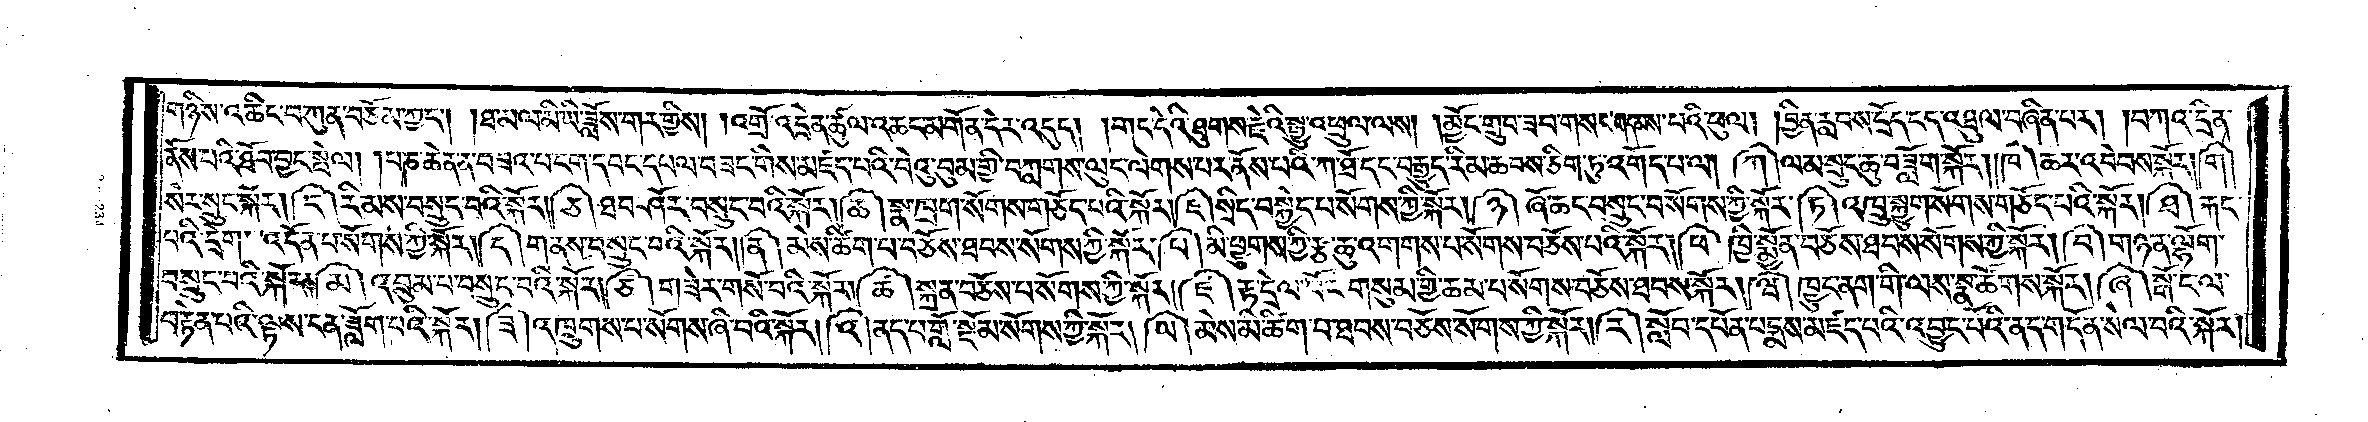གཉིས་འཆིང་བ་ཀུན་བཅོམ་ཀྱང་། །ཐ་མལ་མི་ཡི་ཟློས་གར་གྱིས། །འགྲོ་འདྲེན་ཚུལ་འཆང་མགོན་དེར་འདུད། །གང་དེའི་ཐུགས་རྗེའི་སྒྱུ་འཕྲུལ་ལས། །མྱོང་གྲུབ་ཟབ་གསར་གདམས་པའི་ཕུལ། །བྱིན་རླབས་དྲོད་ངད་འཐུལ་བཞིན་པར། །བཀའ་དྲིན་
ནོས་པའི་ཐོབ་བྱང་སྤེལ། །པཎ་ཆེན་ན་བཟའ་བ་ངག་དབང་དཔལ་བཟང་གིས་མཛད་པའི་བེའུ་བུམ་གྱི་བཀླགས་ལུང་ལེགས་པར་ནོས་པའི་ཀ་ཐོ་དང་བརྒྱུད་རིམ་ཆབས་ཅིག་ཏུ་འགོད་པ་ལ། ༼ཀ༽ ལམ་སྲུང་ཆུ་བཟློག་སྐོར། ༼ཁ༽ ཆར་འབེབས་སྐོར། ༼ག༽
སེར་སྲུང་སྐོར། ༼ང༽ རིམས་བསྲུང་བའི་སྐོར། ༼ཅ༽ ཐབ་ཤོར་བསྲུང་བའི་སྐོར། ༼ཆ༽ སྣ་ཁྲག་སོགས་གཅོད་པའི་སྐོར། ༼ཇ༽ སྲིད་བསྐྱེད་པ་སོགས་ཀྱི་སྐོར། ༼ཉ༽ ཞོ་ཆང་བསྲུང་བ་སོགས་ཀྱི་སྐོར ༼ཏ༽ འཁྲུ་སྐྱུག་སོགས་གཅོད་པའི་སྐོར། ༼ཐ༽ རྐང་
པའི་དྲེག་འདོན་པ་སོགས་ཀྱི་སྐོར། ༼ད༽ གནས་བསྲུང་བའི་སྐོར། ༼ན༽ མེས་ཚིག་པ་བཅོས་ཐབས་སོགས་ཀྱི་སྐོར ༼པ༽ མི་ཕྱུགས་ཀྱི་རྩ་ཆུ་འགགས་པ་སོགས་བཅོས་པའི་སྐོར། ༼ཕ༽ ཁྱི་སྨྱོན་བཅོས་ཐབས་སོགས་ཀྱི་སྐོར། ༼བ༽ གཉན་ལྷོག་
བསྲུང་བའི་སྐོར། ༼མ༽ འབྲུམ་པ་བསྲུང་བའི་སྐོར། ༼ཙ༽ གཟེར་གསོ་བའི་སྐོར། ༼ཚ༽ སྐྲན་བཅོས་པ་སོགས་ཀྱི་སྐོར། ༼ཛ༽ རྟ་དྲེལ་པོང་གསུམ་གྱི་ཆམ་པ་སོགས་བཅོས་ཐབས་སྐོར། ༼ཝ༽ ཁྱུང་ནག་གི་ལས་སྣ་ཚོགས་སྐོར། ༼ཞ༽ སྒོ་ང་ལ་
བརྟེན་པའི་ལྟས་ངན་ཟློག་པའི་སྐོར། ༼ཟ༽ འཁྲུགས་པ་སོགས་ཞི་བའི་སྐོར། ༼འ༽ ནད་པ་གློ་སྔོ་མ་སོགས་ཀྱི་སྐོར། ༼ཡ༽ མེས་མི་ཚིག་བ་ཐབས་བཅོས་སོགས་ཀྱི་སྐོར། ༼ར༽ སློབ་དཔོན་པདམས་མཛད་པའི་འབྱུང་པོའི་ནད་གདོན་སེལ་བའི་སྐོར།